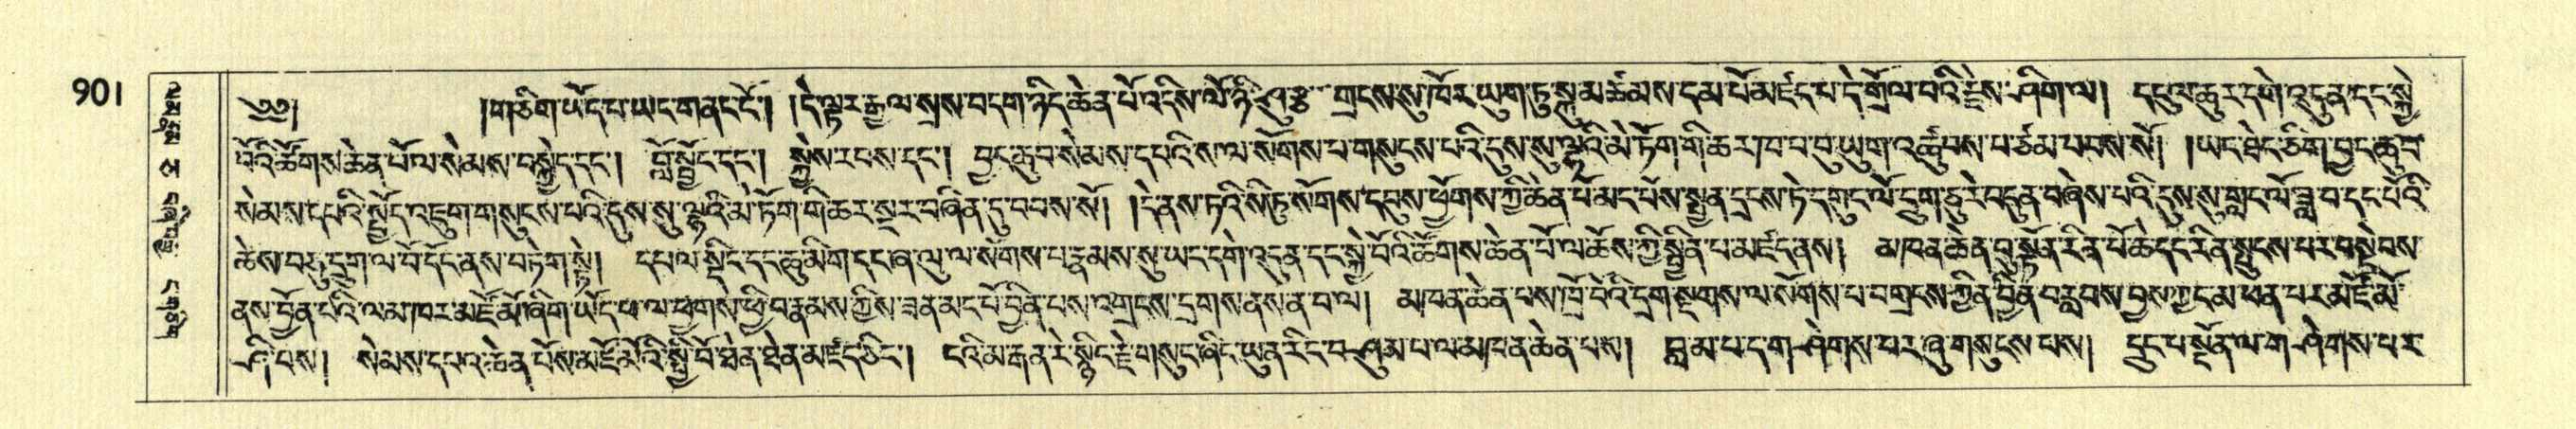༄༅། །གཅིག་ཡོད་པ་ཡང་གནང་ངོ། །དེ་ལྟར་རྒྱལ་སྲས་བདག་ཉིད་ཆེན་པོ་འདིས་ལོ་ཉི་ཤུ་རྩ་གྲངས་སུ་ཁོར་ཡུག་ཏུ་སྐུ་མཚམས་དམ་པོ་མཛད་པ་དེ་གྲོལ་བའི་རྗེས་ཤིག་ལ། དངུལ་ཆུར་དགེ་འདུན་དང་སྐྱེ་
བོའི་ཚོགས་ཆེན་པོ་ལ་སེམས་བསྐྱེད་དང་། བློ་སྦྱོང་དང་། སྐྱེས་རབས་དང་། བྱང་ཆུབ་སེམས་དཔའི་ས་ལ་སོགས་པ་གསུངས་པའི་དུས་སུ་ལྷའི་མེ་ཏོག་གི་ཆར་ཁ་བ་བུ་ཡུག་འཚུབས་པ་ཙམ་པ་བས་སོ། །ཡང་ཐེང་ཅིག་བྱང་ཆུབ་
སེམས་དཔའི་སྤྱོད་འཇུག་གསུངས་པའི་དུས་སུ་ལྷའི་མེ་ཏོག་གི་ཆར་སྔར་བཞིན་དུ་བབས་སོ། །དེ་ནས་ཏའི་སི་ཏུ་སོགས་དབུས་ཕྱོགས་ཀྱི་ཆེན་པོ་མང་པོས་སྤྱན་དྲངས་ཏེ་དགུང་ལོ་དྲུག་ཅུ་རེ་བདུན་བཞེས་པའི་དུས་སུ་གླང་ལོ་ཟླ་བ་དང་པོའི་
ཚེས་བཅུ་དྲུག་ལ་བོ་དོང་ནས་བཏེག་སྟེ། དཔལ་སྡིང་དང་ཆུ་མིག་དང་ཞ་ལུ་ལ་སོགས་པ་རྣམས་སུ་ཡང་དགེ་འདུན་དང་སྐྱེ་བོའི་ཚོགས་ཆེན་པོ་ལ་ཆོས་ཀྱི་སྦྱིན་པ་མཛད་ནས། མཁན་ཆེན་བུ་སྟོན་རིན་པོ་ཆེ་དང་རིན་སྤུངས་པར་བསྡེབས་
ནས་བྱོན་པའི་ལམ་ཁར་མཛོ་མོ་ཞིག་ཡོད་པ་ལ་ཕྱགས་ཕྱི་བ་རྣམས་ཀྱིས་ཟན་མང་པོ་བྱིན་པས་འགྲངས་དྲགས་ནས་ན་བ་ལ། མཁན་ཆེན་པས་ཁྲོ་བོའི་དྲག་སྔགས་ལ་སོགས་པ་བགྲངས་ཀྱིན་བྱིན་བརླབས་བྱས་ཀྱང་མ་ཕན་པར་མཛོ་མོ་
ཤི་བས། སེམས་དཔའ་ཆེན་པོས་མཛོ་མོའི་སྤྱི་བོ་ཐེན་ཐེན་མཛད་ཅིང་། ངའི་མ་རྒན་རེ་སྙིང་རྗེ་གསུང་ཞིང་ཡུན་རིང་བཤུམ་པ་ལ་མཁན་ཆེན་པས། བླ་མ་པ་ད་གཤེགས་པར་ཞུ་གསུངས་པས། དྲུང་པ་སྔོན་ལ་གཤེགས་པར་